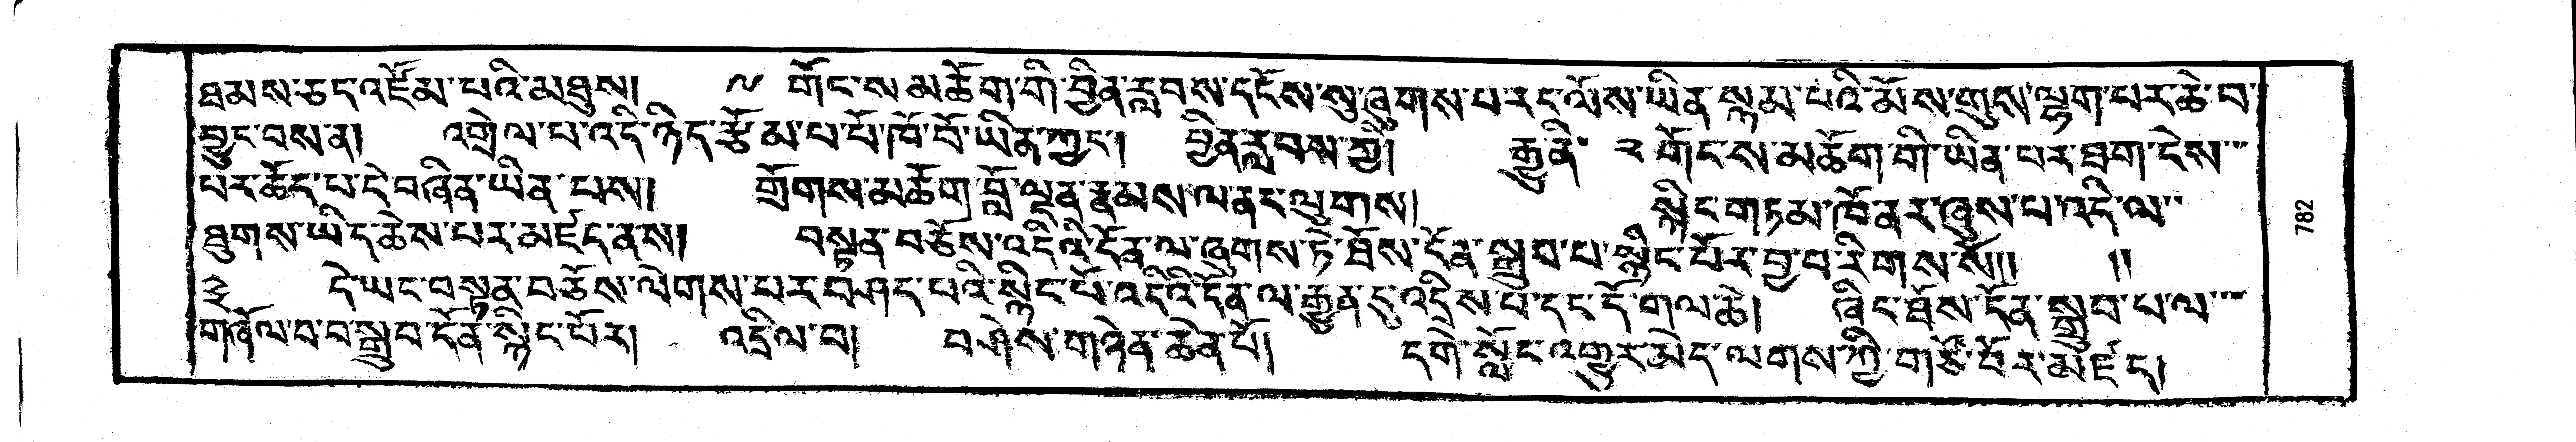ཐམས་ཅད་འཛོམ་པའི་མཐུས། ༧་གོང་ས་མཆོག་གི་བྱིན་རླབས་དངོས་སུ་ཞུགས་པ་རང་ལོས་ཡིན་སྙམ་པའི་མོས་གུས་ལྷག་པར་ཆེ་བ་
བྱུང་བས་ན། འགྲེལ་པ་འདི་ཉིད་རྩོམ་པ་པོ་ཁོ་བོ་ཡིན་ཀྱང་། བྱིན་རླབས་ཀྱི། རྒྱུ་ནི ༧་གོང་ས་མཆོག་གི་ཡིན་པར་ཐག་ངེས་
པར་ཆོད་པ་དེ་བཞིན་ཡིན་པས། གྲོགས་མཆོག་བློ་ལྡན་རྣམས་ལ་ནང་ལུགས། སྙིང་གཏམ་ཁོ་ནར་ཞུས་པ་འདི་ལ་
ཐུགས་ཡིད་ཆེས་པར་མཛད་ནས། བསྟན་བཅོས་འདིའི་དོན་ལ་ཞུགས་ཏེ་ཐོས་དོན་སྒྲུབ་པ་སྙིང་པོར་བྱ་བ་རིགས་སོ།། །།
༣་དེ་ཡང་བསྟན་བཅོས་ལེགས་པར་བཤད་པའི་སྙིང་པོ་འདིའི་དོན་ལ་རྒྱུན་དུ་འདྲིས་པ་དང་དོ་གལ་ཆེ། ཞིང་ཐོས་དོན་སྒྲུབ་པ་ལ་
གཞོལ་བ་བསྒྲུབ་དོན་སྙིང་པོར། འདྲིལ་བ། བཤེས་གཉེན་ཆེན་པོ། དགེ་སློང་འགྱུར་མེད་ལགས་ཀྱི་གཙོ་བོར་མཛད།